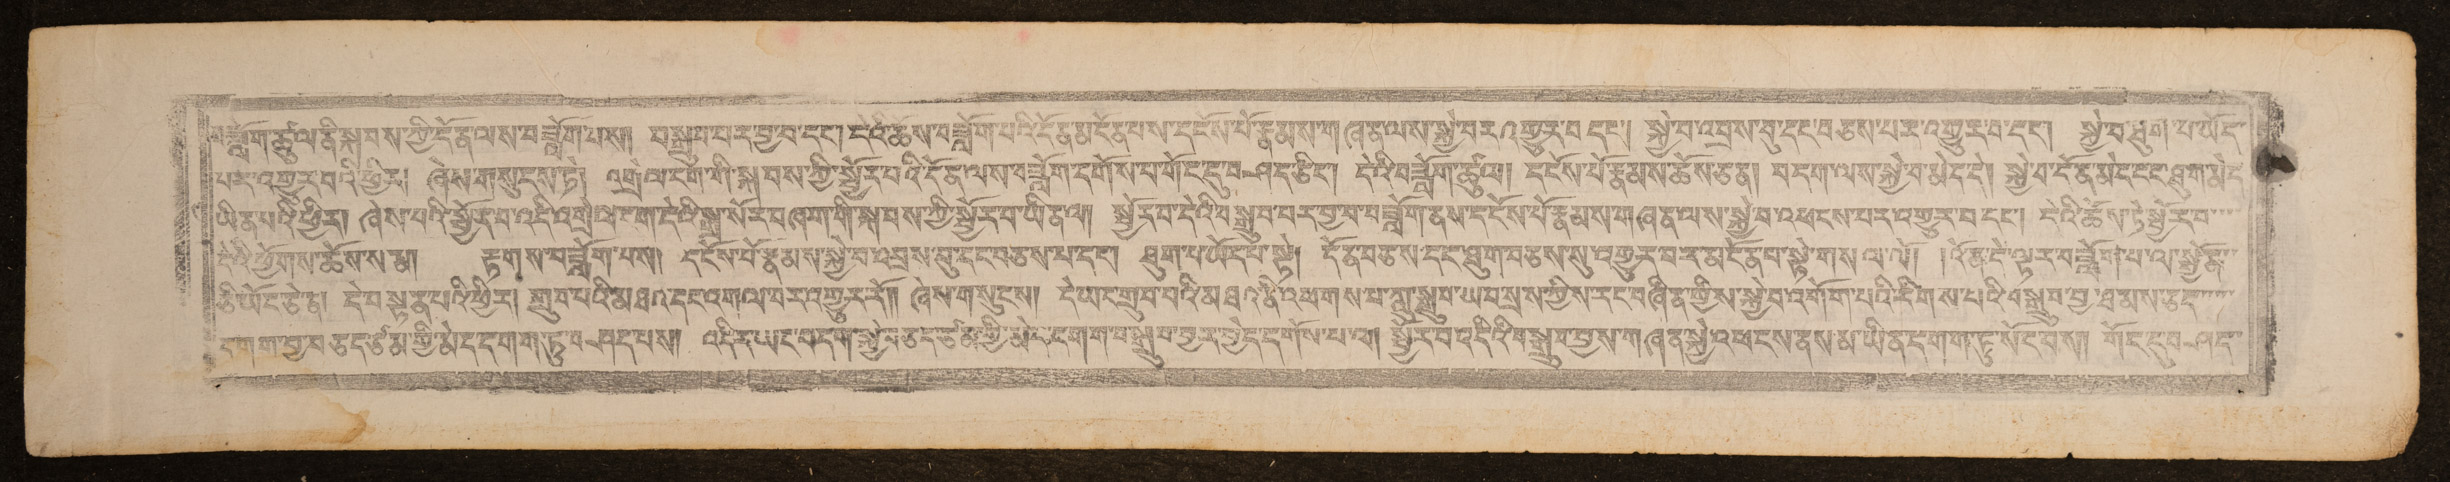བཟློག་ཚུལ་ནི་སྐབས་ཀྱི་དོན་ལས་བཟློག་པས། བསྒྲུབ་པར་བྱ་བ་དང་། དེའི་ཆོས་བཟློག་པའི་དོན་མངོན་པས་དངོས་པོ་རྣམས་གཞན་ལས་སྐྱེ་བར་འགྱུར་བ་དང་། སྐྱེ་བ་འབྲས་བུ་དང་བཅས་པར་འགྱུར་བ་དང་། སྐྱེ་བ་ཐུག་པ་ཡོད་
པར་འགྱུར་བའི་ཕྱིར། ཞེས་གསུངས་ཏེ། འགྲེལ་ངག་གི་སྐབས་ཀྱི་སྦྱོར་བའི་དོན་ལས་བཟློག་དགོས་པ་གོང་དུ་བཤད་ཅིང་། དེའི་བཟློག་ཚུལ། དངོས་པོ་རྣམས་ཆོས་ཅན། བདག་ལས་སྐྱེ་བ་མེད་དེ། སྐྱེ་བ་དོན་མེད་དང་ཐུག་མེད་
ཡིན་པའི་ཕྱིར། ཞེས་པའི་སྦྱོར་བ་འདི་འགྲེལ་ངག་དེའི་སྒྲ་སོར་བཞག་གི་སྐབས་ཀྱི་སྦྱོར་བ་ཡིན་ལ། སྦྱོར་བ་དེའི་བསྒྲུབ་པར་བྱ་བ་བཟློག་ནས་དངོས་པོ་རྣམས་གཞན་ལས་སྐྱེ་བ་འཕངས་པར་འགྱུར་བ་དང་། དེའི་ཆོས་ཏེ་སྦྱོར་བ་
དེའི་ཕྱོགས་ཆོས་སམ། རྟགས་བཟློག་པས། དངོས་པོ་རྣམས་སྐྱེ་བ་འབྲས་བུ་དང་བཅས་པ་དང་། ཐུག་པ་ཡོད་པ་སྟེ། དོན་བཅས་དང་ཐུག་བཅས་སུ་འགྱུར་བར་མངོན་པ་སྟེ་གསལ་ལོ། །འོ་ན་དེ་ལྟར་བཟློག་པ་ལ་སྐྱོན་
ཅི་ཡོད་ཅེ་ན། དེ་བསྟན་པའི་ཕྱིར། གྲུབ་པའི་མཐའ་དང་འགལ་བར་འགྱུར་རོ། །ཞེས་གསུངས། དེ་ཡང་གྲུབ་པའི་མཐའ་ནི་འཕགས་པ་ཀླུ་སྒྲུབ་ཡབ་སྲས་ཀྱིས་རང་བཞིན་གྱིས་སྐྱེ་བ་འགོག་པའི་རིགས་པའི་བསྒྲུབ་བྱ་ཐམས་ཅད་
དགག་བྱ་བཅད་ཙམ་གྱི་མེད་དགག་ཏུ་བཤད་པས། འདིར་ཡང་བདག་སྐྱེ་བཅད་ཙམ་གྱི་མེད་དགག་བསྒྲུབ་བྱར་བྱེད་དགོས་པ་ལ། སྦྱོར་བ་འདིའི་བསྒྲུབ་བྱས་གཞན་སྐྱེ་འཕངས་ནས་མ་ཡིན་དགག་ཏུ་སོང་བས། གོང་དུ་བཤད་